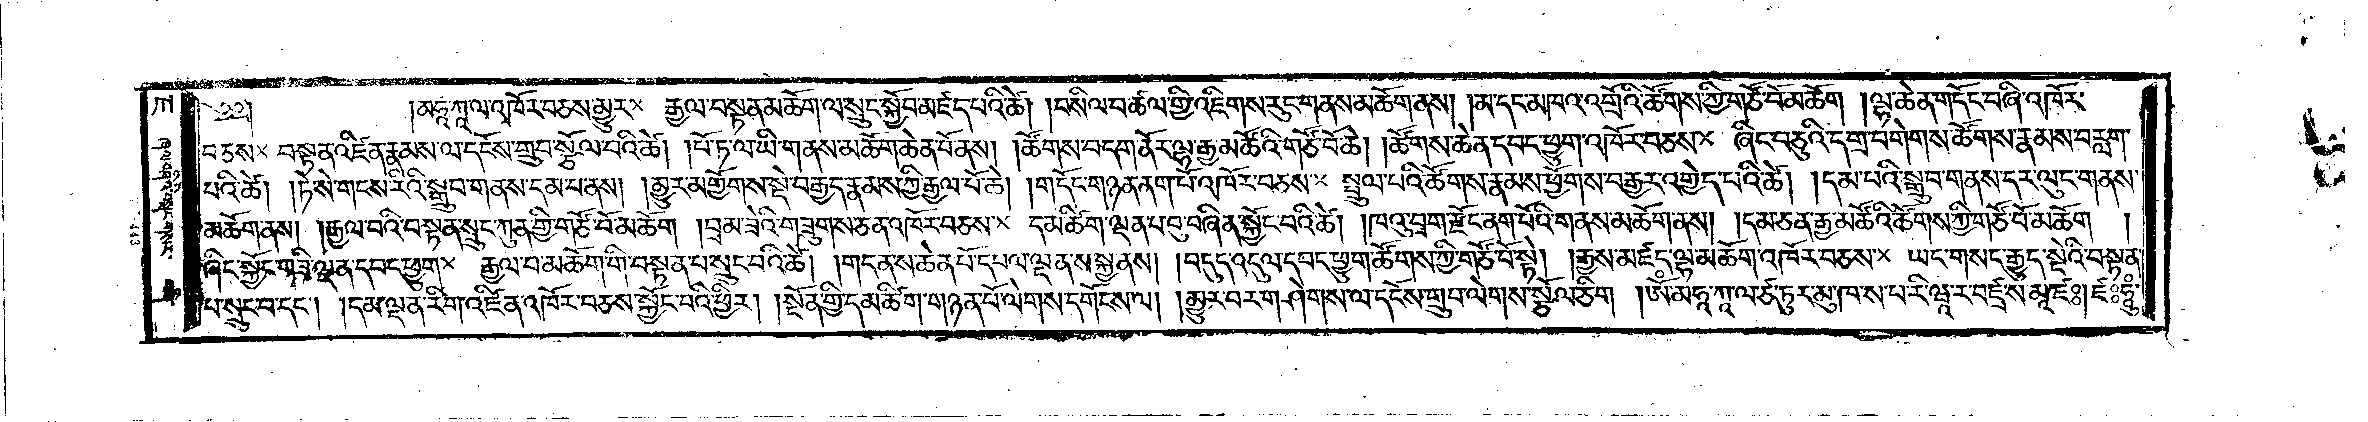༄༅། །མཧཱ་ཀཱ་ལ་འཁོར་བཅས་མྱུར་྾་རྒྱལ་བསྟན་མཆོག་ལ་སྲུང་སྐྱོབ་མཛད་པའི་ཚེ། །བསིལ་བ་ཚལ་གྱི་འཇིགས་རུང་གནས་མཆོག་ནས། །མ་དང་མཁའ་འགྲོའི་ཚོགས་ཀྱི་གཙོ་བོ་མཆོག །ལྷ་ཆིན་གདོང་བཞི་འཁོར་
བཅས་྾་བསྟན་འཛིན་རྣམས་ལ་དངོས་གྲུབ་སྩོལ་པའི་ཚེ། །པོ་ཏ་ལ་ཡི་གནས་མཆོག་ཆེན་པོ་ནས། །ཚོགས་བདག་ནོར་ལྷ་རྒྱ་མཚོའི་གཙོ་བོ་ཆེ། །ཚོགས་ཆེན་དབང་ཕྱུག་འཁོར་བཅས་྾་ཞིང་བཅུའི་དགྲ་བགེགས་ཚོགས་རྣམས་བརླག་
པའི་ཚེ། །ཏེ་སེ་གངས་རིའི་སྒྲུབ་གནས་དམ་པ་ནས། །མྱུར་མགྱོགས་སྡེ་བརྒྱད་རྣམས་ཀྱི་རྒྱལ་པོ་ཆེ། །གདོང་གཉན་ནག་པོ་འཁོར་བཅས་྾་སྤྲུལ་པའི་ཚོགས་རྣམས་ཕྱོགས་བརྒྱར་འགྱེད་པའི་ཚེ། །དམ་པའི་སྒྲུབ་གནས་དར་ལུང་གནས་
མཆོག་ནས། །རྒྱལ་བའི་བསྟན་སྲུང་ཀུན་གྱི་གཙོ་བོ་མཆོག །བྲམ་ཟེའི་གཟུགས་ཅན་འཁོར་བཅས་྾་དམ་ཚིག་ལྡན་པ་བུ་བཞིན་སྐྱོང་བའི་ཚེ། །ཁའུ་བྲག་རྫོང་ནག་པོའི་གནས་མཆོག་ནས། །དམ་ཅན་རྒྱ་མཚོའི་ཚོགས་ཀྱི་གཙོ་བོ་མཆོག །
ཞིང་སྐྱོང་གཟི་ལྡན་དབང་ཕྱུག་྾་རྒྱལ་བ་མཆོག་གི་བསྟན་པ་སྲུང་བའི་ཚེ། །གདན་ས་ཆེན་པོ་དཔལ་ལྡན་ས་སྐྱ་ནས། །བདུད་འདུལ་དབང་ཕྱུག་ཚོགས་ཀྱི་གཙོ་བོ་སྟེ། །རྒྱས་མཛད་ལྷ་མཆོག་འཁོར་བཅས་྾་ཡང་གསང་རྒྱུད་སྡེའི་བསྟན་
པ་སྲུང་བ་དང་། །དམ་ལྡན་རིག་འཛིན་འཁོར་བཅས་སྐྱོང་བའི་ཕྱིར། །སྔོན་གྱི་དམ་ཚིག་གཉན་པོ་ལེགས་དགོངས་ལ། །མྱུར་བར་གཤེགས་ལ་དངོས་གྲུབ་ལེགས་སྩོལ་ཅིག །ཨོཾ་མཧཱ་ཀཱ་ལ་ཙ་ཏུར་མུ་ཁ་ས་པ་རི་ཝཱ་ར་བཛྲ་ས་མཱ་ཛཿ །ཛཿཧཱུཾ་